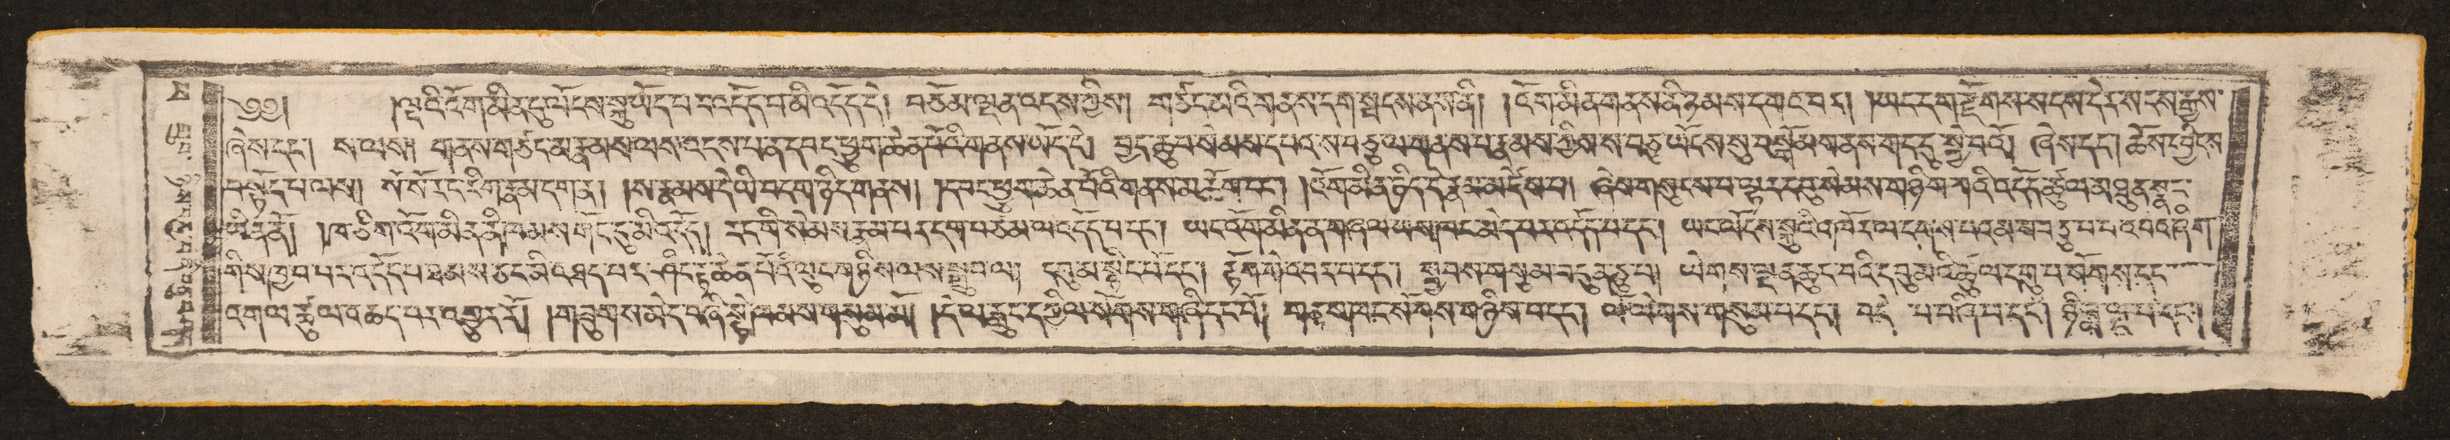༄༅། །ལྔའི་འོག་མིན་དུ་ལོངས་སྐུ་ཡོད་པར་འདོད་པ་མི་འདོད་དེ། བཅོམ་ལྡན་འདས་ཀྱིས། གཙང་མའི་གནས་དག་སྤངས་ནས་ནི། །འོག་མིན་གནས་ནི་ཉམས་དགའ་བར། །ཡང་དག་རྫོགས་སངས་དེར་སངས་རྒྱས་
ཞེས་དང་། ས་ལས། གནས་གཙང་མ་རྣམས་ལས་འདས་པ་ན་དབང་ཕྱུག་ཆེན་པོའི་གནས་ཡོད་དེ། བྱང་ཆུབ་སེམས་དབང་ས་བཅུ་ལ་གནས་བ་རྣམས་ཀྱིས་ས་བཅུ་ཡོངས་སུ་བསྒོམས་ནས་གང་དུ་སྐྱེ་བའོ། ཞེས་དང་། ཆོས་དབྱིངས་
བསྟོང་པ་ལས། སོ་སོ་རང་རིག་རྣམ་དག་ན། །ས་རྣམས་དེ་ཡི་བདག་ཉིད་གནས། །དབང་ཕྱུག་ཆེན་པོའི་གནས་མཆོག་དང་། །འོག་མིན་ཉིད་དེ་རྣམ་མཇོས་པ། ཞེས་གསུངས་པ་ལྟར་དབུ་སེམས་གཉིས་ཀའི་འདོད་ཚུལ་མཐུན་སྣར་
ཡིན་ནོ། །ཁ་ཅིག་འོག་མིན་ནི་ཁམས་གོང་དུ་མི་འདོད། རང་གི་སེམས་རྣམ་པར་དག་པ་ཙམ་ལ་འདོད་པ་དང་། ཡང་འོག་མིན་ན་གཞལ་ཡས་ཁང་མེད་པར་འདོད་པ་དང་། ཡང་ལོངས་སྐུའི་འཁོར་ལ་ངགས་པ་འམ་ས་བཅུ་བ་པ་འབའ་ཞིག་
གིས་ཁྱབ་པར་འདོད་པ་ཐམས་ཅད་མི་འཐད་པར་ཤིང་རྟ་ཆེན་པོའི་ལུང་གཉིས་ལས་སྒྲུབ་ལ། དབུ་མ་སྟིང་བོ་དང་། རྟོག་གེ་འབར་བ་དང་། སྐྱབས་གསུམ་བདུན་ཅུ་པ། ལེགས་ལྡན་ཆུང་བའི་དབུ་མའི་ཚུལ་དགུ་པ་སོགས་དང་
འགལ་ཚུལ་འཆད་པར་འགྱུར་རོ། །གཟུགས་མེད་བཞི་སྟེ་ཁམས་གསུམ་མོ། །དེ་ལ་རླུང་དཀྱིལ་སོགས་གཞི་དང་པོ། གནས་ཁང་སོགས་གཉིས་པ་དང་། ལོ་ལེགས་གསུམ་པ་དང་། བདེ་པ་བཞི་པ་དང་། ཉི་ཟླ་ལྔ་པ་དང་།